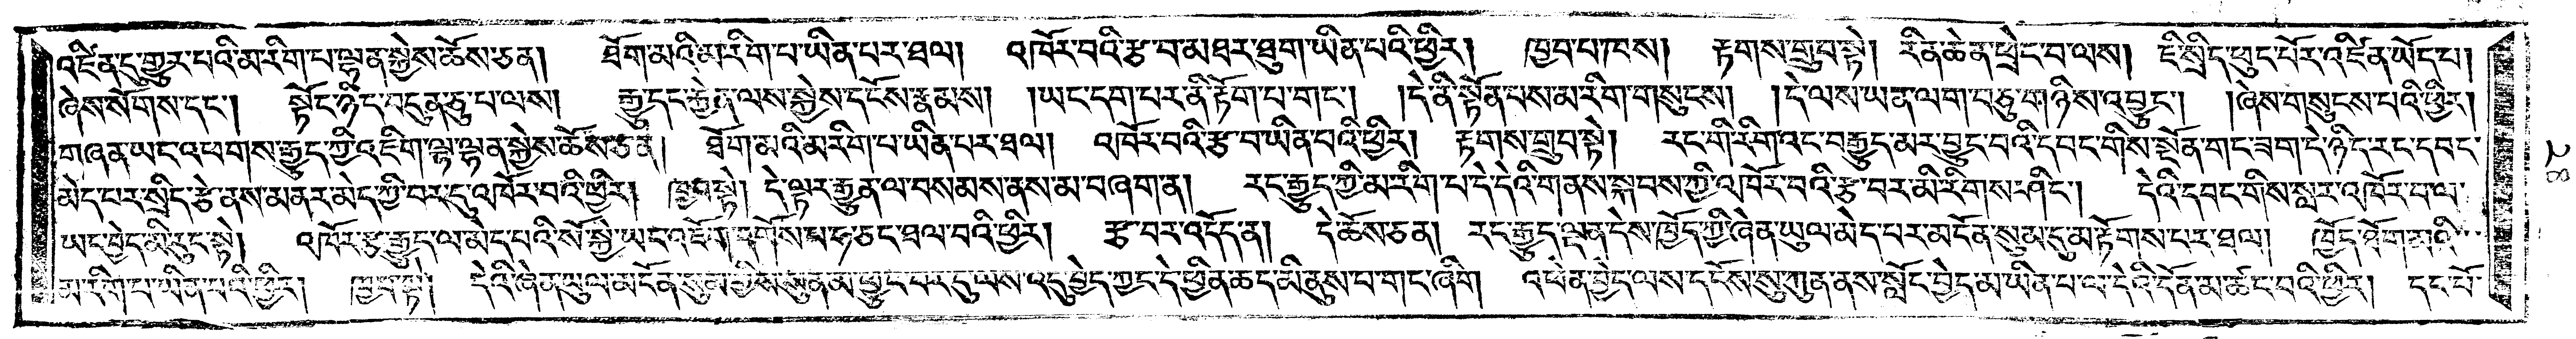འཛིན་དུ་གྱུར་པའི་མ་རིག་པ་ལྷན་སྐྱེས་ཆོས་ཅན། ཐོག་མའི་མ་རིག་པ་ཡིན་པར་ཐལ། འཁོར་བའི་རྩ་བ་མཐར་ཐུག་ཡིན་པའི་ཕྱིར། ཁྱབ་པ་ཁས། རྟགས་གྲུབ་སྟེ། རིན་ཆེན་ཕྲེང་བ་ལས། ཇི་སྲིད་ཕུང་པོར་འཛིན་ཡོད་པ།
ཞེས་སོགས་དང་། སྟོང་ཉིད་བདུན་ཅུ་པ་ལས། རྒྱུ་དང་རྐྱེན་ལས་སྐྱེས་དངོས་རྣམས། །ཡང་དག་པར་ནི་རྟོག་པ་གང་། །དེ་ནི་སྟོན་པས་མ་རིག་གསུངས། །དེ་ལས་ཡན་ལག་བཅུ་གཉིས་འགྱུར། །ཞེས་གསུངས་པའི་ཕྱིར།
གཞན་ཡང་འཕགས་རྒྱུད་ཀྱི་འཇིག་ལྟ་ལྷན་སྐྱེས་ཆོས་ཅན། ཐོག་མའི་མ་རིག་པ་ཡིན་པར་ཐལ། འཁོར་བའི་རྩ་བ་ཡིན་པའི་ཕྱིར། རྟགས་གྲུབ་སྟེ། རང་གི་རིག་འང་བརྒྱུད་མར་བྱུང་བའི་དབང་གིས་སྔོན་གང་ཟག་དེ་ཉིད་རང་དབང་
མེད་བར་སྲིད་རྩྭེ་ནས་མནར་མེད་ཀྱི་བར་དུ་འཁོར་བའི་ཕྱིར། ཁྱབ་སྟེ། དེ་ལྟར་རྒྱུན་ལ་བསམས་ནས་མ་བཞག་ན། རང་རྒྱུད་ཀྱི་མ་རིག་པ་དེ་དེའི་གནས་སྐབས་ཀྱི་འཁོར་བའི་རྩ་བར་མི་རིགས་ཤིང་། དེའི་དབང་གིས་སླར་འཁོར་བ་ལ་
ཡང་བྱེད་མི་རུང་སྟེ། འཁོར་རྩ་རྒྱུད་ལ་མེད་པའི་སོ་སྐྱེ་ཡང་འཇོག་དགོངས་པ་ཧ་ཅང་ཐལ་བའི་ཕྱིར། རྩ་བར་འདོད་ན། དེ་ཆོས་ཅན། རང་རྒྱུད་ལྡན་དེས་ཁྱོད་ཀྱི་ཞེན་ཡུལ་མེད་པར་མངོན་སུམ་དུ་མ་རྟོགས་པར་ཐལ། ཁྱོད་ཐོག་མའི་
མ་རིག་པ་ཡིན་པའི་ཕྱིར། ཁྱབ་སྟེ། དེའི་ཞེན་ཡུལ་མངོན་སུམ་གྱིས་སུན་མ་ཕྱུང་བར་དུ་ལས་འདུ་བྱེད་ཀྱང་དེ་ཕྱིན་ཆད་མི་ནུས་པ་གང་ཞིག་འཕེན་བྱེད་ལས་དངོས་སུ་ཀུན་ནས་སློང་བྱེད་མ་ཡིན་པ་ལ་དེའི་དོན་མ་ཚང་བའི་ཕྱིར། དང་པོ་